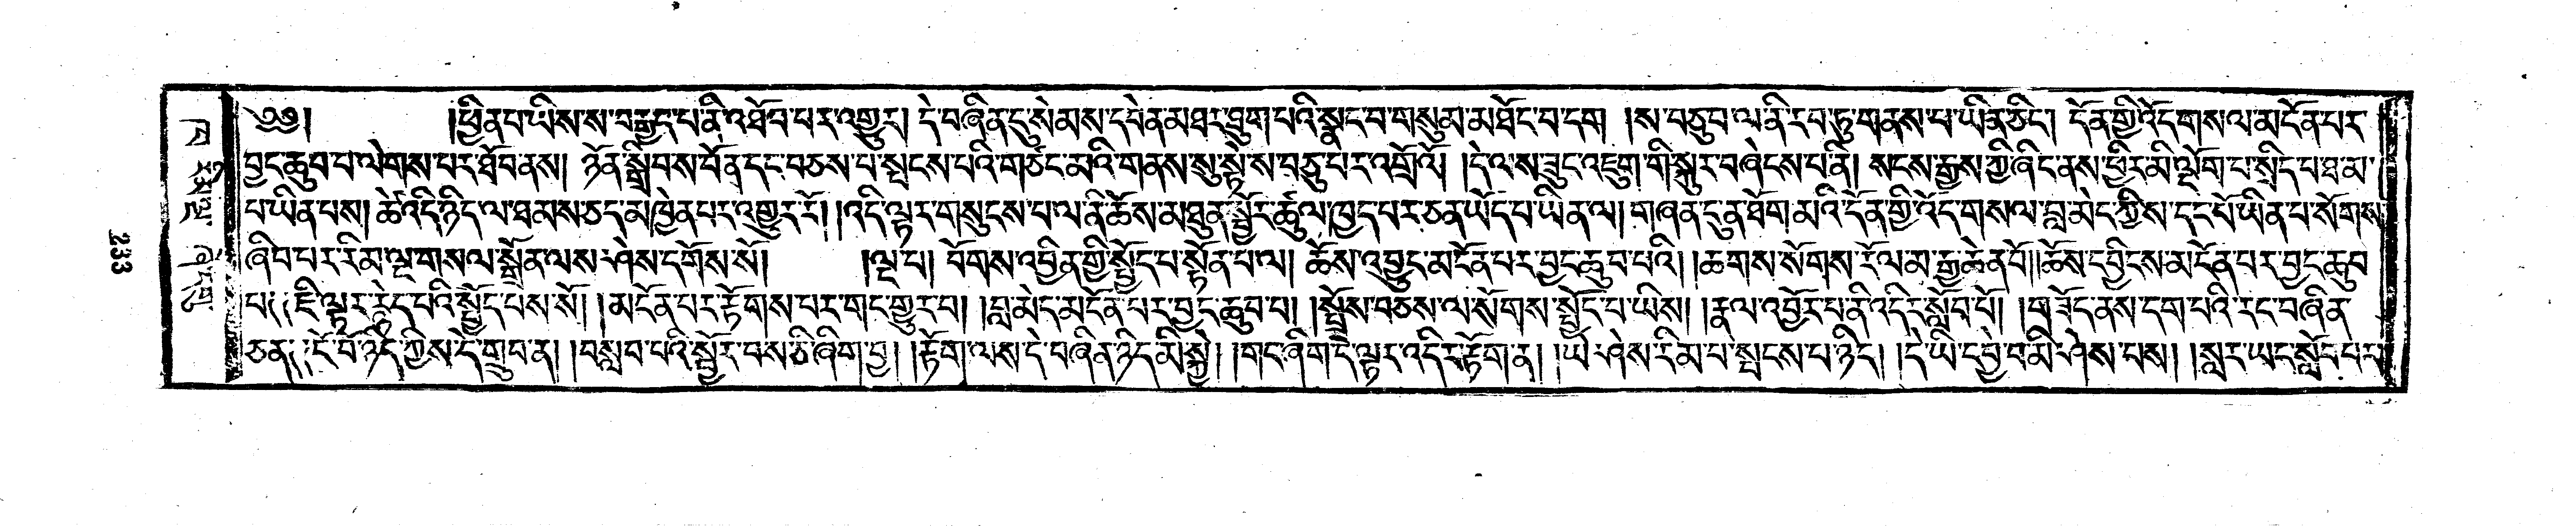༄༅། །ཕྱིན་པ་ཡིས་ས་བརྒྱད་པ་ནི་འཐོབ་པར་འགྱུར། དེ་བཞིན་དུ་སེམས་དབེན་མཐར་ཐུག་པའི་སྣང་བ་གསུམ་མཐོང་བ་དག །ས་བཅུ་པ་ལ་ནི་རབ་ཏུ་གནས་པ་ཡིན་ཅིང་། དོན་གྱི་འོད་གསལ་མངོན་པར་
བྱང་ཆུབ་པ་ལེགས་པར་ཐོབ་ནས། ཉོན་སྒྲིབ་ས་བོན་དང་བཅས་པ་སྤངས་པའི་གཙང་མའི་གནས་སུ་སྟེ་ས་བཅུ་པར་འགྲོའོ། །དེ་ལས་ཟུང་འཇུག་གི་སྐུར་བཞེངས་པ་ནི། སངས་རྒྱས་ཀྱི་ཞིང་ནས་ཕྱིར་མི་ལྡོག་པ་སྲིད་པ་ཐ་མ་
པ་ཡིན་པས། ཚེ་འདི་ཉིད་ལ་ཐམས་ཅད་མཁྱེན་པར་འགྱུར་རོ། །འདི་ལྟར་གསུངས་པ་ལ་ནི་ཆོས་མཐུན་སྦྱོར་ཚུལ་ཁྱད་པར་ཅན་ཡོད་པ་ཡིན་ལ། གཞན་དུ་ན་ཐོག་མའི་དོན་གྱི་འོད་གསལ་བླ་མེད་ཀྱི་ས་དང་པོ་ཡིན་པ་སོགས་
ཞིབ་པར་རིམ་ལྔ་གསལ་སྒྲོན་ལས་ཤེས་དགོས་སོ། །ལྔ་པ། བོགས་འབྱིན་གྱི་སྤྱོད་པ་སྟོན་པ་ལ། ཆོས་འབྱུང་མངོན་པར་བྱང་ཆུབ་པའི། །ཆགས་སོགས་རོལ་མོ་རྒྱ་ཆེན་པོ། །ཆོས་དབྱིངས་མངོན་པར་བྱང་ཆུབ་
པ༑ ༑ཇི་ལྟར་རྙེད་པའི་སྤྱོད་པས་སོ། །མངོན་པར་རྟོགས་པར་གང་གྱུར་པ། །བླ་མེད་མངོན་པར་བྱང་ཆུབ་པ། །སྤྲོས་བཅས་ལ་སོགས་སྤྱོད་པ་ཡིས། །རྣལ་འབྱོར་པ་ནི་འདིར་སློབ་བོ། །གཟོད་ནས་དག་པའི་རང་བཞིན་
ཅན༑ ༑ངོ་བོ་ཉིད་ཀྱིས་དེ་གྲུབ་ན། །བསླབ་པའི་སྦྱོར་བས་ཅི་ཞིག་བྱ། །རྟོག་ལས་དེ་བཞིན་ཉིད་མི་སྐྱེ། །གང་ཞིག་དེ་ལྟར་འདིར་རྟོག་ན། །ཡེ་ཤེས་རིམ་པ་སྤངས་པ་ཉིད། །དེ་ཡི་དབྱེ་བ་མི་ཤེས་པས། །སླར་ཡང་སློབ་པར་